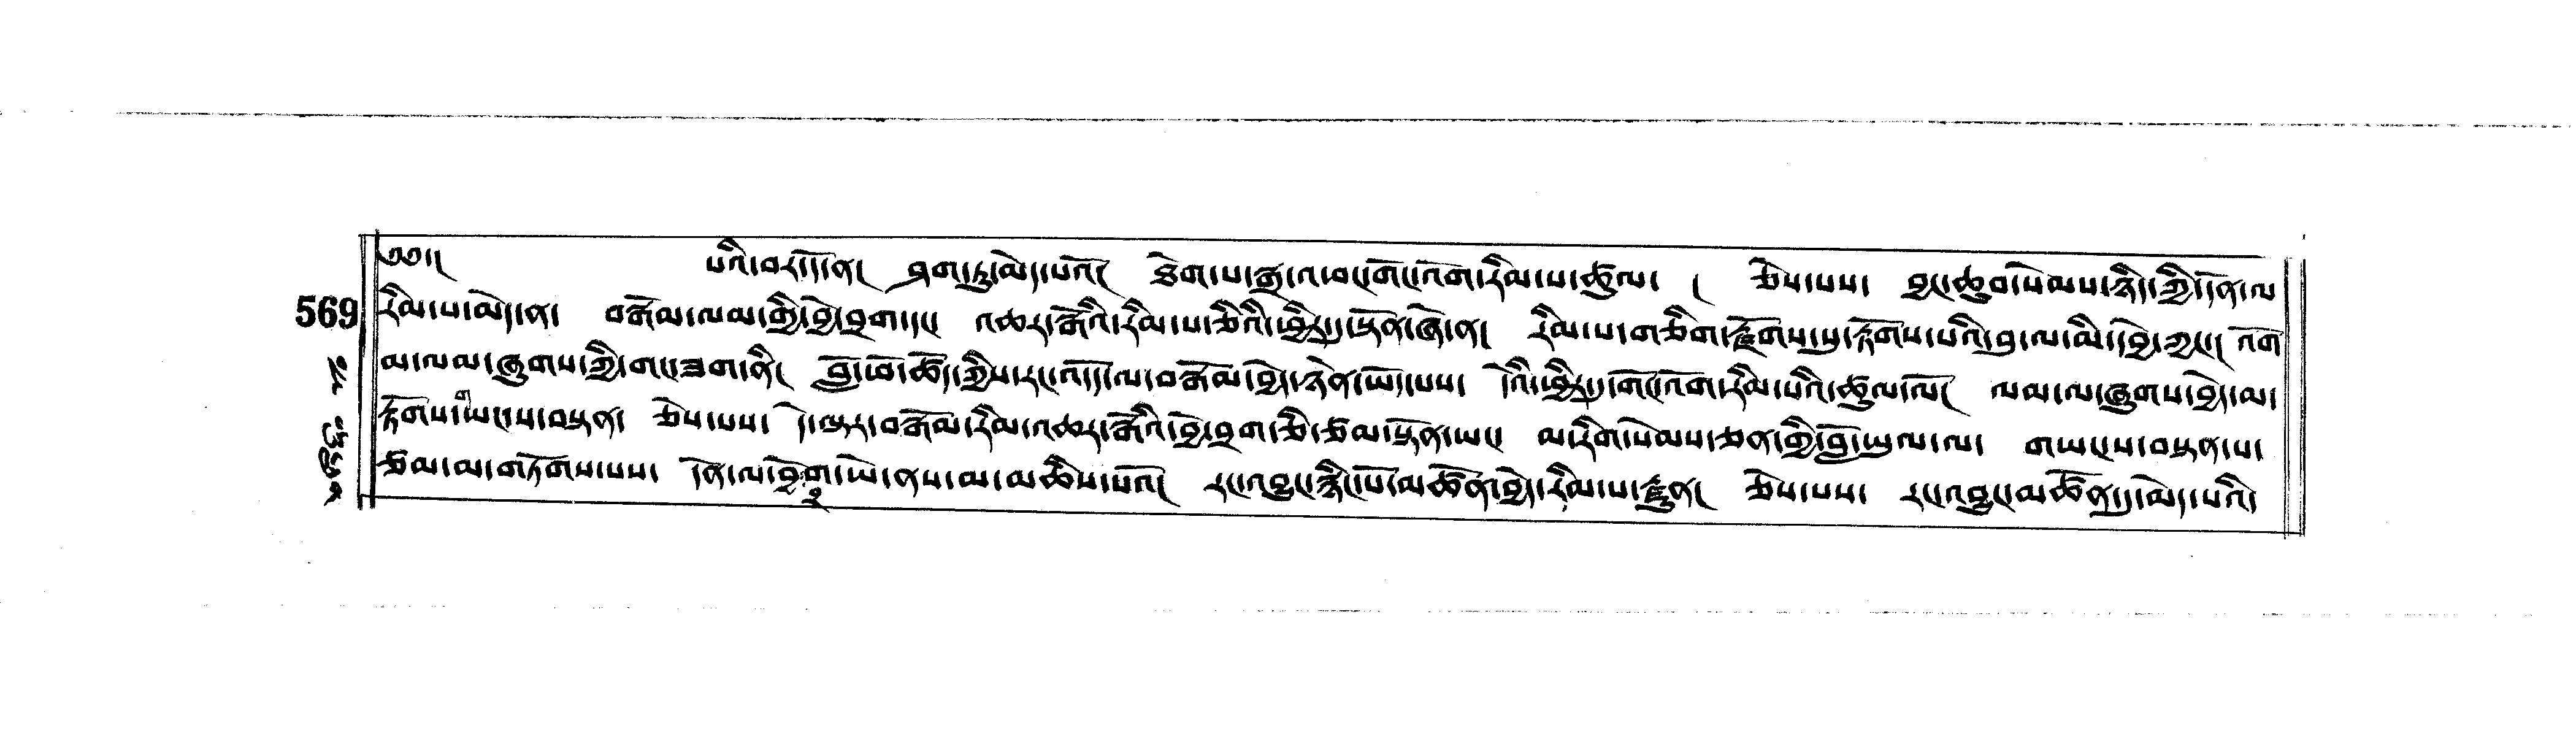པའི་བད་དོ་ན། ཤག་ཏུ་མེད་པའོ། ཐེག་པ་སྒྲ་འཕང་གོང་འོག་རིམ་པ་ཚུལ། ཅེས་པས། བྱང་ཆུབ་སེམས་ཀྱི་དོན་ལ་
རིམ་པ་མེད་ན། སྒོམ་ལམ་གྱི་བྱེ་བྲག་དང་འཆར་སྒོའི་རིམ་པ་ཅིའི་ཕྱིར་དུ་སྟོན་ཞེ་ན། རིམ་པ་གཅིག་རྫོགས་སུ་རྟོགས་པའི་བུ་ལ་མི་དབྱེ་ཀྱང་། འོག་
མ་ལམ་ཞུགས་ཀྱི་གང་ཟག་ནི། བློ་ཕོ་ཚོད་ཀྱིས་རང་འདོད་ལ་སྒོམ་བྱེད་ཉེན་ཡོད་པས། དེའི་ཕྱིར་གོང་འོག་རིམ་པའི་ཚུལ་ལོ། ལམ་ལ་ཞུགས་བྱེད་མ་
རྟོགས་གཡང་ས་བསྟན། ཅེས་པས། དེ་ལྟར་སྒོམ་རིམ་འཆར་སྒོའི་བྱེ་བྲག་ཅི་ཙམ་སྟོན་ཡང་། མ་རིག་སེམས་ཅན་གྱི་བློ་ཡུལ་ལ་གཡང་ས་བསྟན་པ་
ཙམ་མ་གཏོགས་པས་དོན་ལ་བྱེ་བྲག་ཡེ་ནས་མ་མཆིས་པའོ། རང་འབྱུང་སྙིང་པོ་མཚོན་བྱེད་རིམ་པ་རྫུན། ཅེས་པས། རང་འབྱུང་མཚོན་དུ་མེད་པའི་